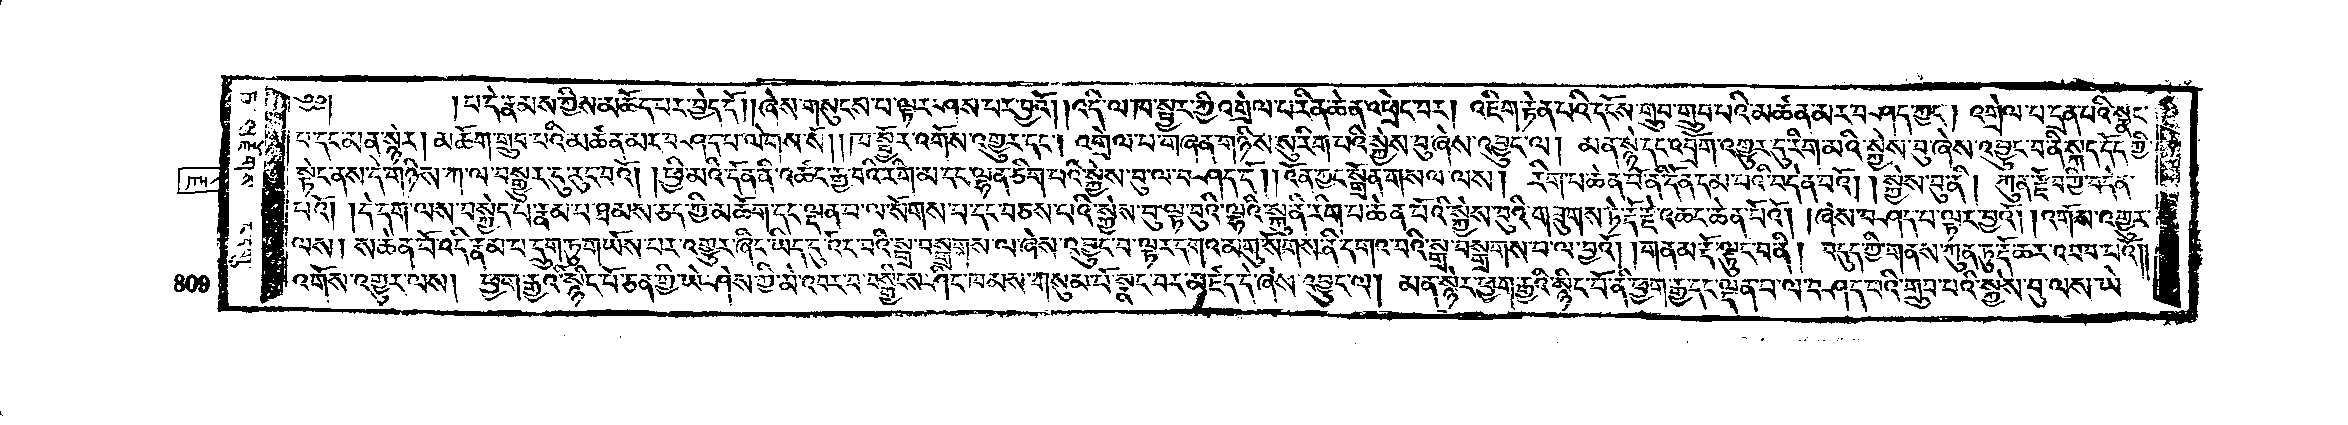༄༅། །པ་དེ་རྣམས་ཀྱིས་མཆོད་པར་བྱེད་དོ། །ཞེས་གསུངས་པ་ལྟར་ཤེས་པར་བྱའོ། །འདི་ལ་ཁ་སྦྱར་གྱི་འགྲེལ་པ་རིན་ཆེན་འཕྲེང་བར། འཇིག་རྟེན་པའི་དངོས་གྲུབ་གྲུབ་པའི་མཚན་མར་བཤད་ཀྱང་། འགྲེལ་པ་དྲན་པའི་སྣང་
བ་དང་མན་སྙེར། མཆོག་གྲུབ་པའི་མཚན་མར་བཤད་པ་ལེགས་སོ། །ཁ་སྦྱོར་འགོས་འགྱུར་དང་། འགྲེལ་པ་གཞན་གཉིས་སུ་རིག་པའི་སྐྱེས་བུ་ཞེས་འབྱུང་ལ། མན་སྙེ་དང་འབྲོག་འགྱུར་དུ་རིག་མའི་སྐྱེས་བུ་ཞེས་འབྱུང་བ་ནི་སྐད་དོད་ཀྱི་
སྟེང་ནས་དེ་གཉིས་ཀ་ལ་བསྒྱུར་དུ་རུང་བའོ། །ཕྱི་མའི་དོན་ནི་འཚང་རྒྱ་བའི་རིག་མ་དང་ལྷན་ཅིག་པའི་སྐྱེས་བུ་ལ་བཤད་དོ། །འོན་ཀྱང་སྒྲོན་གསལ་ལས། རིག་པ་ཆེན་པོ་ནི་དོན་དམ་པའི་བདེན་པའོ། །སྐྱེས་བུ་ནི། ཀུན་རྫོབ་ཀྱི་བདེན་
པའོ། །དེ་དག་ལས་བསྐྱེད་པ་རྣམ་པ་ཐམས་ཅད་ཀྱི་མཆོག་དང་ལྡན་པ་ལ་སོགས་པ་དང་བཅས་པའི་སྐྱེས་བུ་ལྟ་བུའི་ལྷའི་སྐུ་ནི་རིག་པ་ཆེན་པོའི་སྐྱེས་བུའི་གཟུགས་ཏེ་རྡོ་རྗེ་འཆང་ཆེན་པོའོ། །ཞེས་བཤད་པ་ལྟར་བྱའོ། །འགོས་འགྱུར་
ལས། ས་ཆེན་པོ་འདི་རྣམ་པ་དྲུག་ཏུ་གཡོས་པར་འགྱུར་ཞིང་ཡིད་དུ་འོང་བའི་སྒྲ་བསྒྲགས་ལ་ཞེས་འབྱུང་བ་ལྟར་དགའ་མགུ་སོགས་ནི་དགའ་བའི་སྒྲ་བསྒྲགས་པ་ལ་བྱའོ། །གནམ་རྡོ་ལྟུང་བ་ནི། བདུད་ཀྱི་གནས་ཀུན་ཏུ་རྡོ་ཆར་འབབ་པའོ། །
འགོས་འགྱུར་ལས། ཕྱག་རྒྱའི་སྙིང་པོ་ཅན་གྱི་ཡེ་ཤེས་ཀྱི་མེ་འབར་བ་བསྒྱིངས་ཤིང་ཁམས་གསུམ་པོ་སྣང་བར་མཛད་དེ་ཞེས་འབྱུང་ལ། མན་སྙེར་ཕྱག་རྒྱའི་སྙིང་པོ་ནི་ཕྱག་རྒྱ་དང་ལྡན་པ་ལ་བཤད་པའི་གྲུབ་པའི་སྐྱེས་བུ་ལས་ཡེ་